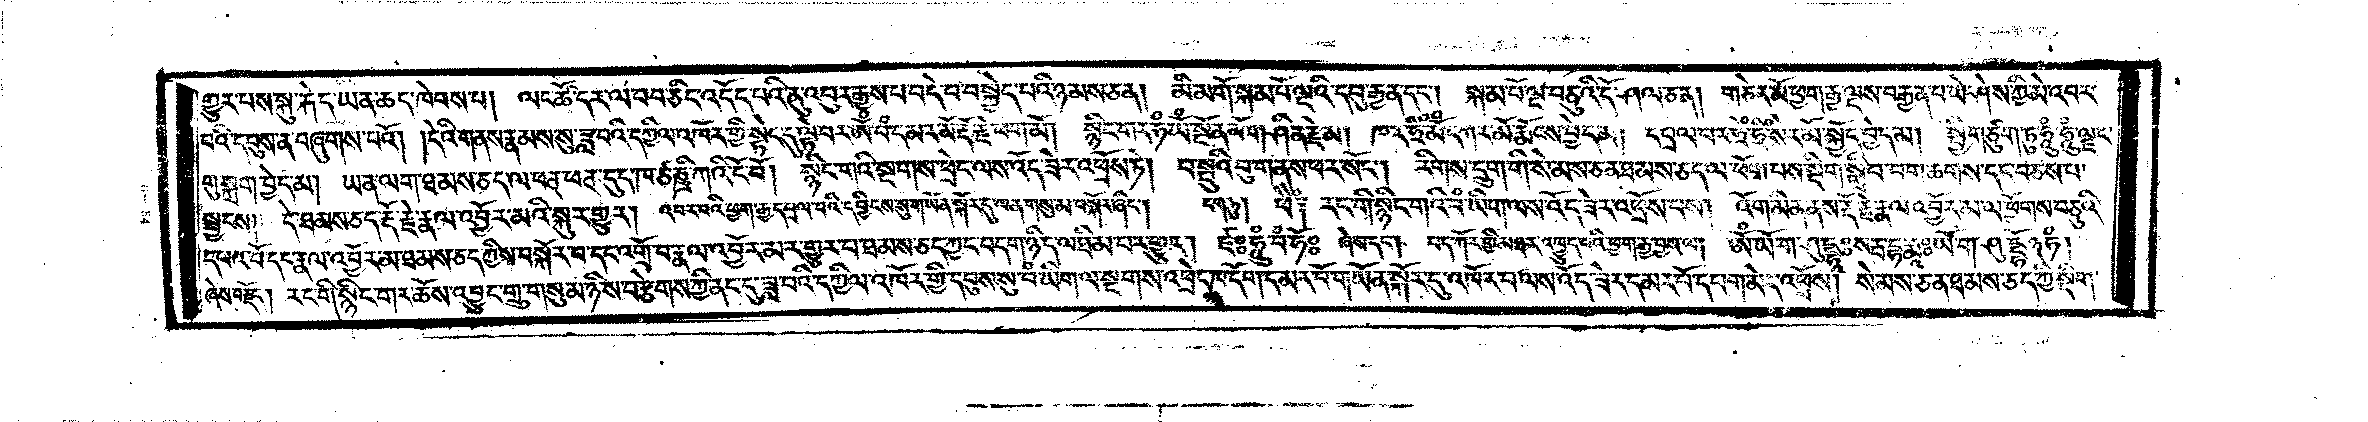གྱུར་པས་སྐུ་རྐེད་ཡན་ཆད་ཁེབས་པ། ལང་ཚོ་དར་ལ་བབ་ཅིང་འདོད་པའི་ནུ་འབུར་རྒྱུས་པ་བདེ་བ་བསྐྱེད་པའི་ཉམས་ཅན། མི་མགོ་སྐམ་པོ་ལྔའི་དབུ་རྒྱན་དང་། སྐམ་པོ་ལྔ་བཅུའི་དོ་ཤལ་ཅན། གཅེར་མོ་ཕྱག་རྒྱ་ལྔས་བརྒྱན་པ་ཡེ་ཤེས་ཀྱི་མེ་འབར་
བའི་དབུས་ན་བཞུགས་པའོ། །དེའི་གནས་རྣམས་སུ་ཟླ་བའི་དཀྱིལ་འཁོར་གྱི་སྟེང་དུ་ལྟེ་བར་ཨོཾ་བཾ་དམར་མོ་རྡོ་རྗེ་ཕག་མོ། སྙིང་གར་ཧཾ་ཡོཾ་སྔོན་མོ་གཤིན་རྫེ་མ། ཁར་ཧྲིཾ་མོཾ་དཀར་མོ་རྨོངས་བྱེད་མ། དབྲལ་བར་ཧྲེཾ་ཧྲིཾ་སེར་མོ་སྐྱོད་བྱེད་མ། སྤྱི་གཙུག་ཏུ་ཧཱུཾ་ཧཱུཾ་ལྗང་
གུ་སྐྲག་བྱེད་མ། ཡན་ལག་ཐམས་ཅད་ལ་ཕཊ་ཕཊ་དུད་ཁ་ཙཎྜི་ཀའི་ངོ་བོ། སྙིང་གའི་སྔགས་ཕྲེང་ལས་འོད་ཟེར་འཕྲོས་ཏེ། བ་སྤུའི་བུ་གནས་ཕར་སོང་། རིགས་དྲུག་གི་སེམས་ཅན་ཐམས་ཅད་ལ་ཕོག་པས་སྡིག་སྒྲིབ་བག་ཆགས་དང་བཅས་པ་
སྦྱངས། དེ་ཐམས་ཅད་རྡོ་རྗེ་རྣལ་འབྱོར་མའི་སྐུར་གྱུར། འབར་བའི་ཕྱག་རྒྱ་དཔྲལ་བའི་དབྱིངས་སུ་གཡོན་སྐོར་དུ་ལན་གསུམ་བསྐོར་ཞིང་། ངག་ཏུ།  ཕཻཾ༑ རང་གི་སྙིང་གའི་བཾ་ཡིག་ལས་འོད་ཟེར་འཕྲོས་པས། འོག་མིན་ནས་རྡོ་རྗེ་རྣལ་འབྱོར་མ་ལ་ཕྱོགས་བཅུའི་
དཔའ་བོ་དང་རྣལ་འབྱོར་མ་ཐམས་ཅད་ཀྱིས་བསྐོར་བ་དང་འགྲོ་བ་རྣལ་འབྱོར་མར་གྱུར་པ་ཐམས་ཅད་ཀྱང་བདག་ཉིད་ལ་ཐིམ་པར་གྱུར། ཛཿཧཱུཾ་བཾ་ཧོཿ ཞེས་དང་། པད་ཀོར་གྱི་མཐར་འཁྱུད་པའི་ཕྱག་རྒྱ་བྱས་ལ།  ཨོཾ་ཡོ་ག་ཤུདྡྷཱཿསརྦ་དྷརྨཱཿཡོ་ག་ཤུདྡྷོ་ཉཧཾ།
ཞེས་བརྗོད།  རང་གི་སྙིང་གར་ཆོས་འབྱུང་གྲུ་གསུམ་ཉིས་བརྩེགས་ཀྱི་ནང་དུ་ཟླ་བའི་དཀྱིལ་འཁོར་གྱི་དབུས་སུ་བཾ་ཡིག་ལ་སྔགས་འཕྲེང་ཁ་དོག་དམར་པོ་གཡོན་སྐོར་དུ་འཁོར་བ་ལས་འོད་ཟེར་དམར་པོ་དཔག་མེད་འཕྲོས། སེམས་ཅན་ཐམས་ཅད་ཀྱི་སྡིག་